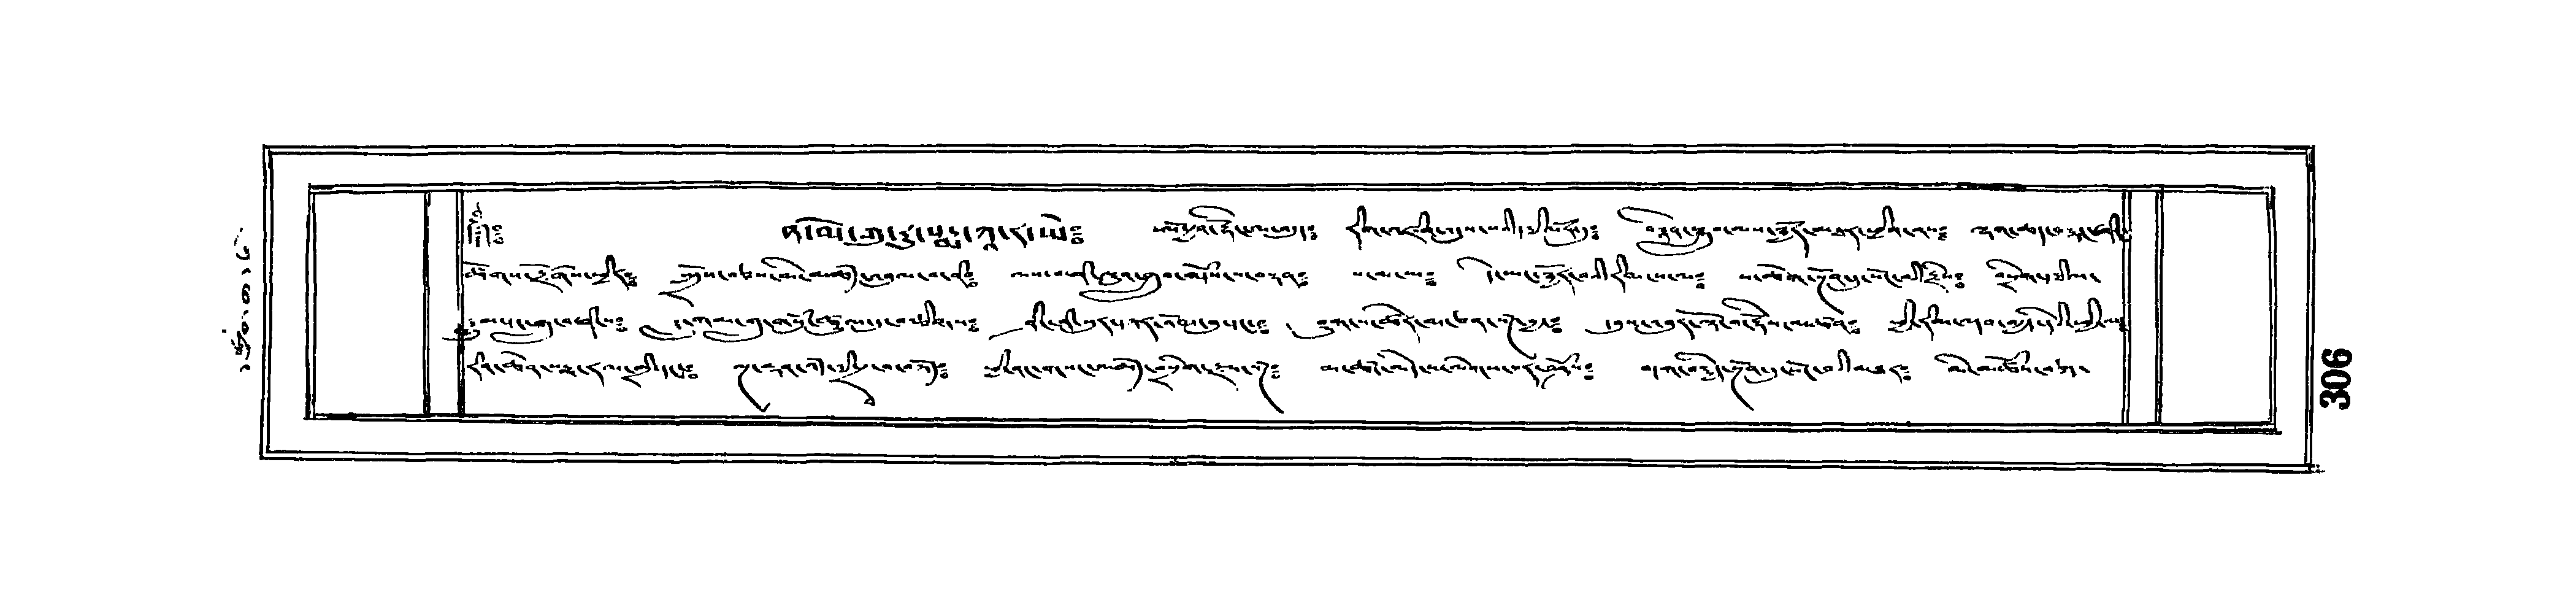ན་མོ་གུ་རུ་པདྨ་ཀཱ་ར་ཡེ༔ ཨོ་རྒྱན་རྡོ་རྗེ་འཆང་ལ་འདུད༔ རིག་འཛིན་འདུས་པའི་དཀྱིལ་འཁོར་དུ༔ བསྙེན་སྒྲུབ་ལས་སྦྱོར་མཐར་ཕྱིན་ནས༔ ལྷག་ཆད་བསྐང་ཞིང་
ཚོགས་རྫོགས་ཕྱིར༔ སྤྲོས་བཅས་མེ་མཆོད་འབུལ་བ་ནི༔ ལས་བཞི་ལྷུན་གྲུབ་གདམས་པ་བསྟན༔ ས་མ་ཡ༔ ས་ཆོག་སྔོན་དུ་སོང་བའི་རྗེས༔ བསྲེག་དཀྱིལ་
ཟླུམ་དང་གྲུ་བཞི་པ༔ ཟླ་གམ་གྲུ་གསུམ་ཚུལ་དུ་བརྩིགས༔ ཤིང་ནི་སུར་དཀར་འོམ་བུ་དང༔ ཤུག་པ་ཚེར་མ་ཅན་སོགས་བྱ༔ དབུས་འབུར་ལྟོ་བ་རྡོ་རྗེས་མཚན༔ ཕྱི་རིམ་འདབ་བརྒྱད་དེའི་ཕྱི་ལ༔ 
རིན་ཆེན་པདྨ་རལ་གྲི་དང༔ ལྔ་ལྡན་འོད་ཀྱི་དྲྭ་བ་བཀོད༔ ཕྱི་ནང་གསང་མཆོད་བསྲེག་རྫས་སོགས༔ མ་ཚང་མེད་པ་ལེགས་པར་བཤམས༔ བདག་བསྐྱེད་སྔོན་དུ་སོང་བའི་མཐར༔ མེ་མཚམས་བཅད་